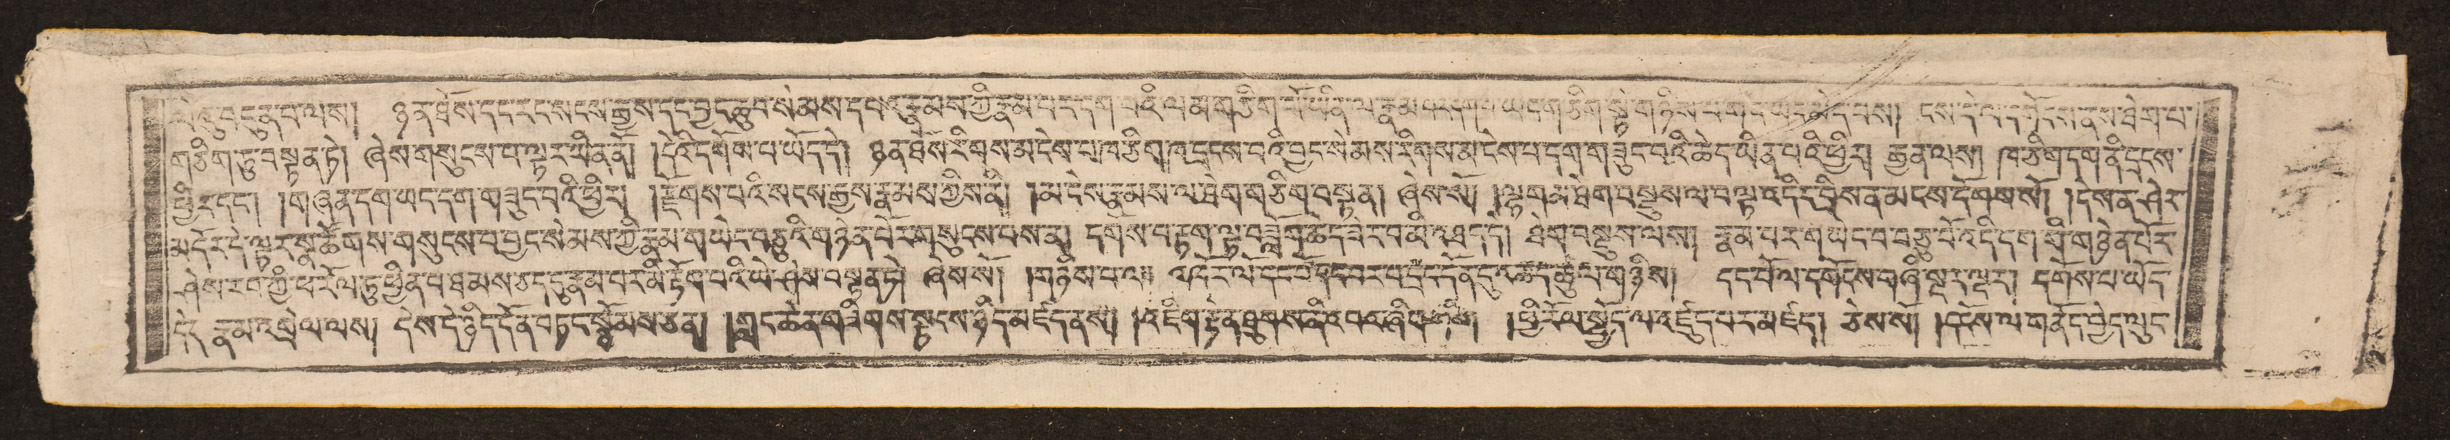ལེའུ་བདུན་པ་ལས། ཉན་ཐོས་དང་རང་སངས་རྒྱས་དང་བྱང་ཆུབ་སེམས་དཔའ་རྣམས་ཀྱི་རྣམ་པར་དག་པའི་ལམ་གཅིག་པོ་ཡིན་ལ་རྣམ་པར་དག་པ་ཡང་གཅིག་སྟེ་གཉིས་པ་གང་ཡང་མེད་པས། ངས་དེ་ལ་དགོངས་ནས་ཐེག་པ་
གཅིག་ཏུ་བསྟན་ཏེ། ཞེས་གསུངས་པ་ལྟར་ཡིན་ནོ། །དེའི་དགོས་པ་ཡོད་དེ། ཉན་ཐོས་རིགས་མ་ངེས་པ་ཁ་ཅིག་ཁ་དྲངས་པའི་བྱང་སེམས་རིགས་མ་ངེས་པ་དག་གཟུང་བའི་ཆེད་ཡིན་པའི་ཕྱིར། རྒྱན་ལས། ཁ་ཅིག་དག་ནི་དྲངས་
ཕྱིར་དང་། །གཞན་དག་ཡང་དག་གཟུང་བའི་ཕྱིར། །རྫོགས་པའི་སངས་རྒྱས་རྣམས་ཀྱིས་ནི། །མ་ངེས་རྣམས་ལ་ཐེག་གཅིག་བསྟན། ཞེས་སོ། །ལྷག་མ་ཐེག་བསྡུས་ལ་བལྟ་འདིར་བྲིས་ན་མ་ངེས་དོགས་སོ། །དེས་ན་ཤེར་
མདོར་དེ་ལྟར་སྣ་ཚོགས་གསུངས་པ་བྱང་སེམས་ཀྱི་རྣམ་གཡེང་བཅུའི་གཉེན་པོར་གསུངས་པས་ན། དགོས་པ་རྟག་ལྟ་བཟློག་ཆེད་ཟེར་བ་མི་འཐད་དེ། ཐེག་བསྡུས་ལས། རྣམ་པར་གཡེང་བ་བཅུ་པོ་འདི་དག་གི་གཉེན་པོར་
ཤེས་རབ་ཀྱི་ཕ་རོལ་ཏུ་ཕྱིན་པ་ཐམས་ཅད་དུ་རྣམ་པར་མི་རྟོག་པའི་ཡེ་ཤེས་བསྟན་ཏེ། ཞེས་སོ། །གཉིས་པ་ལ། འཁོར་ལོ་དང་པོ་དང་བར་བ་དྲང་དོན་དུ་འཆད་ཚུལ་གཉིས། དང་པོ་ལ་དགོངས་གཞི་སྔར་ལྟར། དགོས་པ་ཡོད་
དེ༑ རྣམ་འགྲེལ་ལས། དེས་དེ་ཉིད་དོན་བཏང་སྙོམས་ཅན། །གླང་ཆེན་གཟིགས་སྟངས་ཉིད་མཛད་ནས། །འཇིག་རྟེན་ཐུགས་ནི་འབའ་ཞིག་གིས། །ཕྱི་རོལ་སྤྱོད་ལ་འཛུད་པར་མཛད། ཅེས་སོ། །དངོས་ལ་གནོད་བྱེད་ལུང་